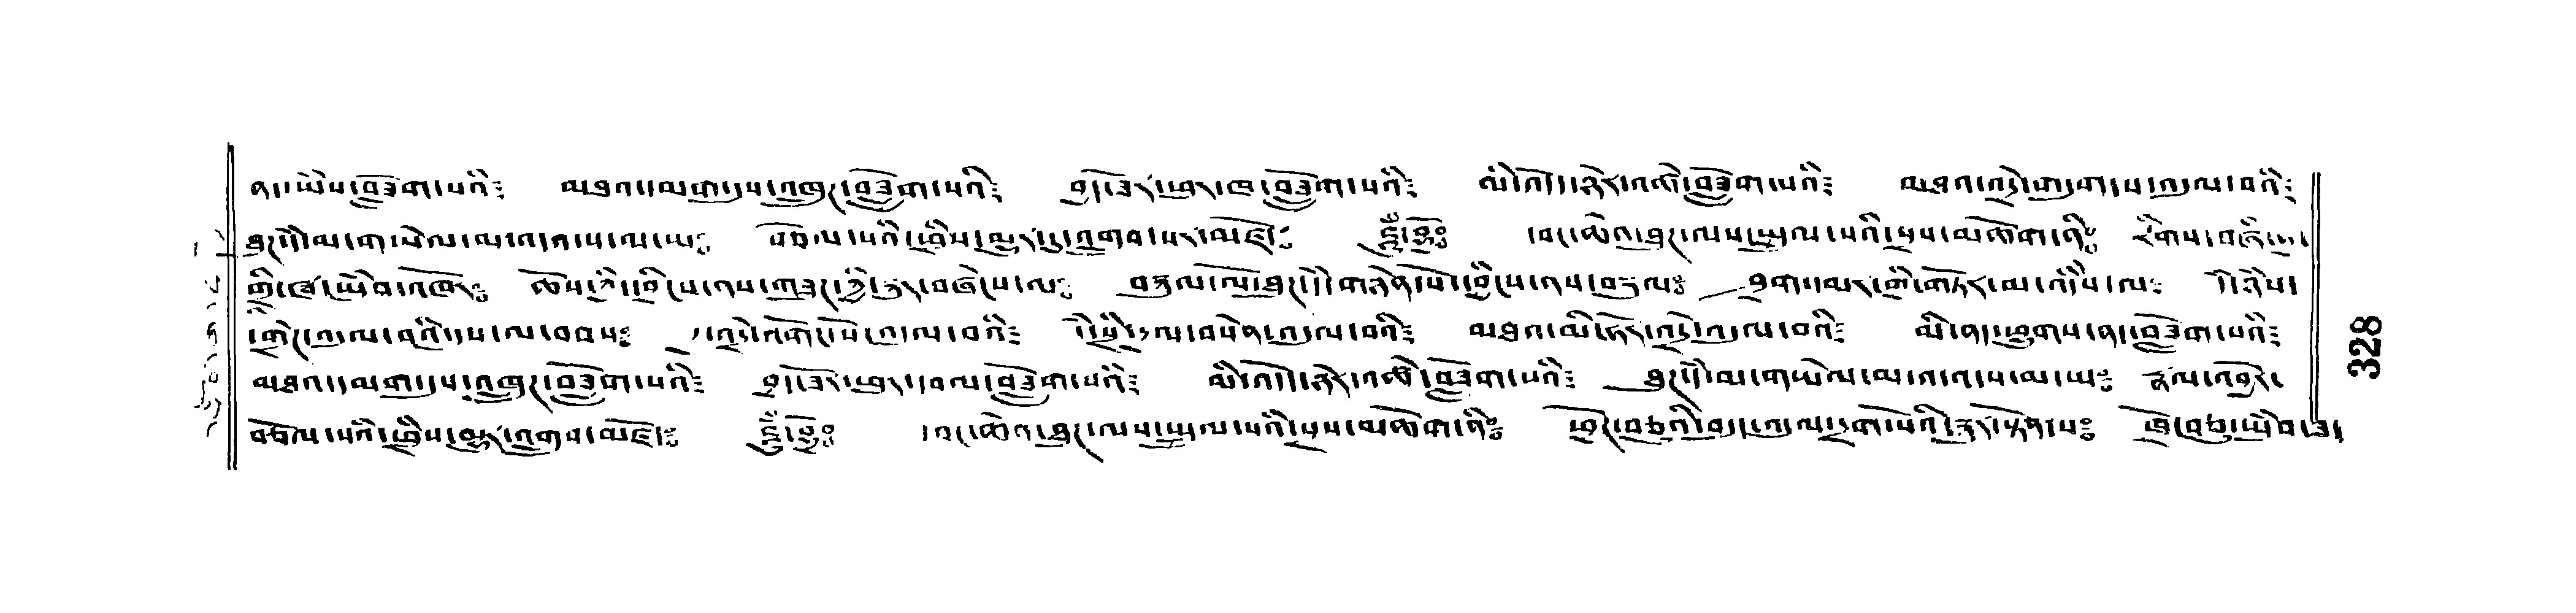ནད་ཡམས་ཟློག་པའི༴ མཐའ་དམག་དུས་འཁྲུགས་བཟློག་པའི༴ བྱད་ཟོར་ཕུར་ཁ་བཟློག་པའི༴ མི་འདོད་ཉེར་འཚེ་བཟློག་པའི༴ མཐའ་འདྲེ་གདུག་པ་འདུལ་བའི༴
ཐུགས་དམ་མ་གཡེལ་མ་འདའ་ས་མ་ཡ༔ བཅོལ་པའི་ཕྲིན་ལས་མྱུར་དུ་འགྲུབ་པར་མཛོད༔ ཧཱུྃ་བྷྱོ༔ དབང་ཆེན་ཐུགས་ལས་སྤྲུལ་པའི་སྲས་མཆོག་ནི༔ རིགས་བཞི་ཧྱ་
གྲཱི་ཝ་ཡབ་ཡུམ་འཁོར༔ ཆོས་ཀྱི་དབྱིངས་ནས་གཟུགས་ཀྱི་སྐུར་བཞེངས་ལ༔ བསྐུལ་ལོ་ཐུགས་དམ་གཉེན་པོ་དབྱིངས་ནས་བསྐུལ༔ ཤ་ཁྲག་དམར་གྱི་གཏོར་མ་འདི་བཞེས་ལ༔ དམ་ཉམས་
དགྲ་བགེགས་འདུལ་བའི་དུས་ལ་བབས༔ རྒྱ་འདྲེ་འགོང་པོ་འདུལ་བའི༴ དམ་སྲི་རྒྱལ་བསེན་འདུལ་བའི༴ མཐའ་མི་ཧོར་འདྲེ་འདུལ་བའི༴ མི་ནད་ཕྱུགས་ནད་བཟློག་པའི༴ 
མཐའ་དམག་དུས་འཁྲུགས་བཟློག་པའི༴ བྱད་ཟོར་ཕུར་དབལ་བཟློག་པའི༴ མི་འདོད་ཉེར་འཚེ་བཟློག་པའི༴ ཐུགས་དམ་མ་གཡེལ་མ་འདའ་ས་མ་ཡ༔ རྣལ་འབྱོར་
བཅོལ་པའི་ཕྲིན་ལས་མྱུར་འགྲུབ་མཛོད༔ཧཱུྃ་བྷྱོ༔ དབང་ཆེན་ཐུགས་ལས་སྤྲུལ་པའི་སྲས་མཆོག་ནི༔ ཕྱོགས་བཅུའི་བདུད་འདུལ་དྲག་པོའི་སྐུར་སྟོན་པ༔ ཁྲོ་བཅུ་ཡབ་ཡུམ་ཟ་